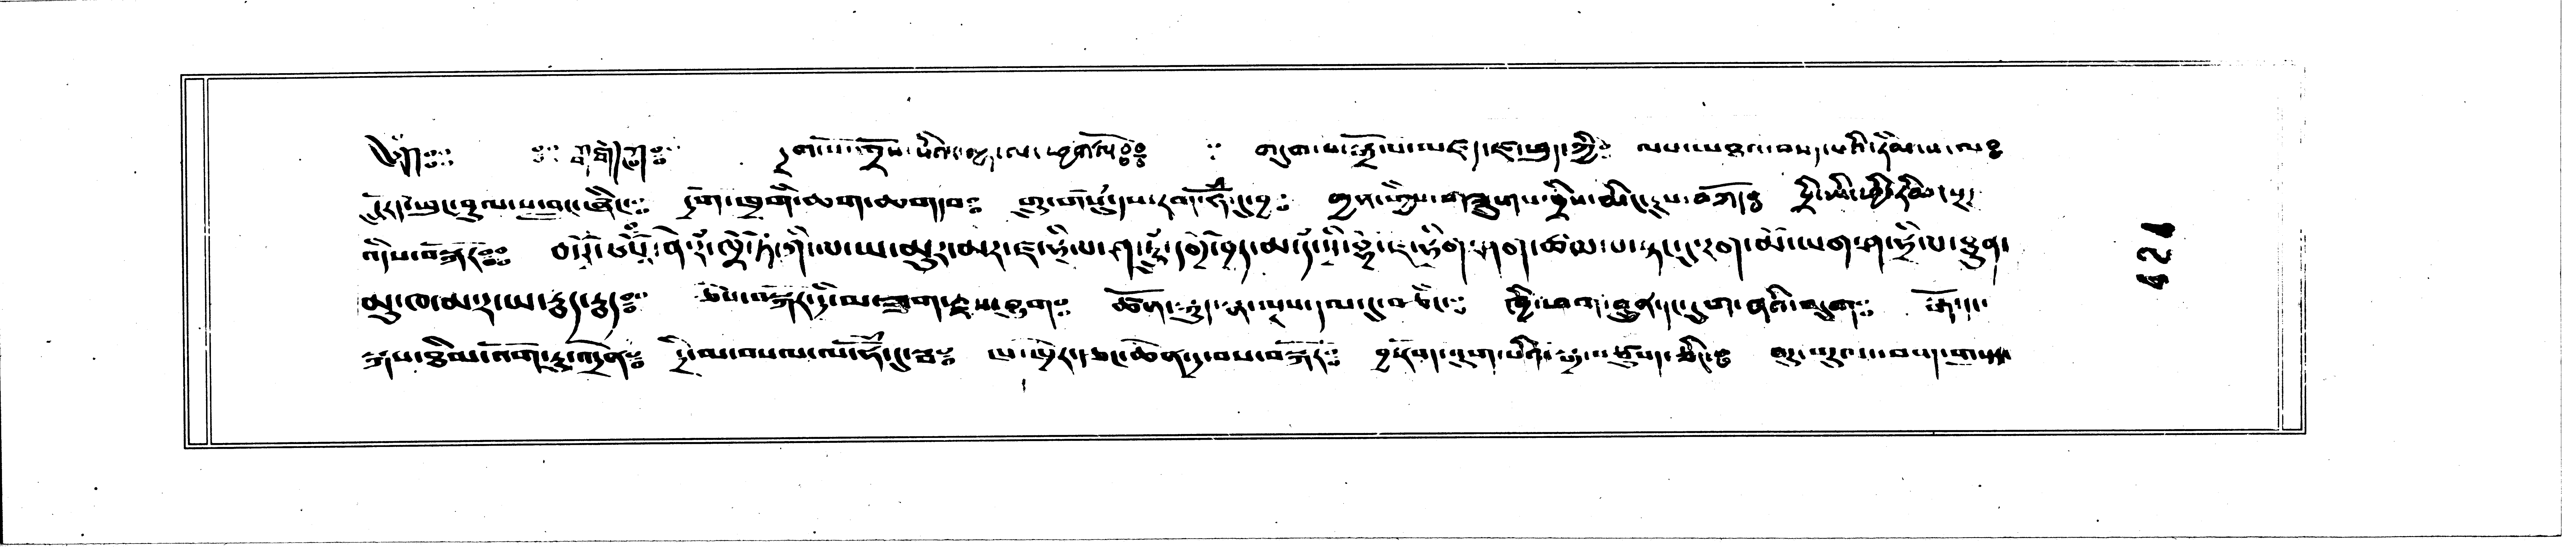དྲག་པོ་ཁྲོས་པའི་ལྷ་ལ་ཕྱག་འཚལ་ལོ༔༔ གདུག་པ་སྒྲོལ་མཛད་ཛྭ་ཕུར་གྱི༔ ལས་མཐའ་བསད་པའི་རིམ་པ་ལ༔ 
དུར་ཁྲོད་ཕུང་ཤུལ་ས་བླང་ཞིང་༔༔དྲག་པོ་ཁྲག་གིས་ཆག་ཆག་གདབ༔གྲུ་གསུམ་དམར་ནག་ཧོམ་དུ་བྱ༔གྲན་གྱིས་གཟུགས་བྲིས་མིང་རུས་བཀོད༔སྲི་ཡི་ཕྱི་རིམ་སྔགས་
འདིས་བསྐོར༔བསྭོ་ཨཱོཾ་ནེ་རཾ་ཁྲོ་ཏ་ཀི་ལ་ཡ་མུར་མར་ཛ་ཧྲིལ་ས་ཏྲུཾ་དགྲ་བོ་བྱད་མ་དམ་སྲི་བྷྱོ་ཛ་ཧྲིག་ཤག་ཚལ་པ་སྟང་དུ་རག་མོ་ཡགྴ་ཧྲིལ་ཐུན་
མུ་ཁ་མ་ར་ཡ་རྦད་རྦད༔༔ཅེས་བསྐོར་དྲི་མ་ཟག་རྫས་བྱུུག༔ཚོན་སྐུད་སྣ་ལྔས་དམ་དུ་བཅིང༔ཁྱི་ཕག་བྲུན་དང་དུག་སྣའི་བདུག༔སྒོ་དང་
སྐས་ཐེམ་འོག་ཏུ་འདྲེན༔དྲི་མ་བསལ་ལ་ཧོཾ་དུ་སྦ༔ཁ་ཁྱེར་རྩང་ཆེན་དྲ་བས་བསྐོར༔བྱ་རོག་འུག་པའི་སྒྲ་བཙུག་ཅིང་༔གུ་གུལ་༼༽གསུར་